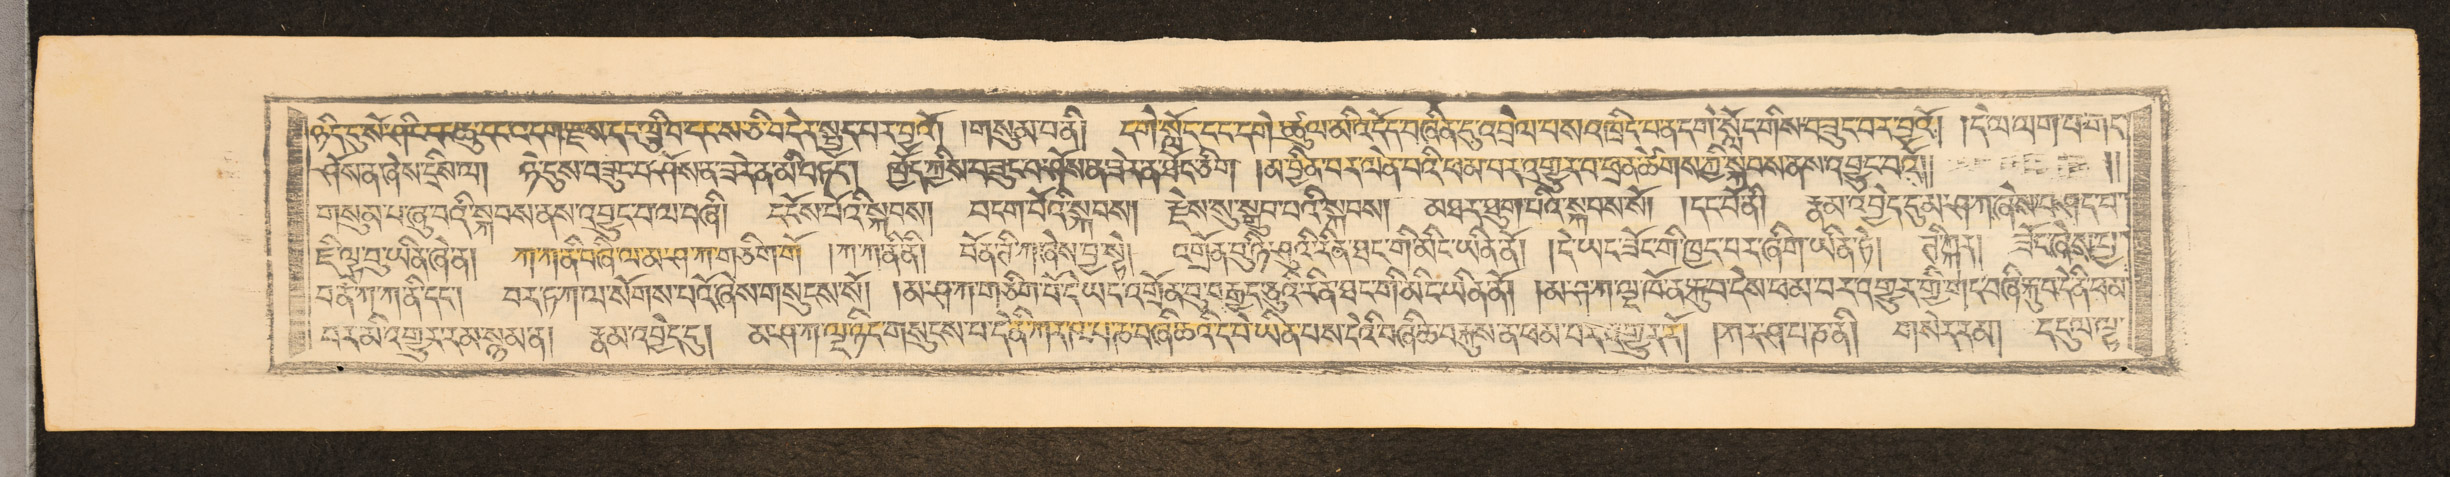ཉིད་དུ་སོ་ཤིང་དང་ཆུ་དང་འདག་རྫས་དང་ལྕི་བ་དང་ས་ཅི་བདེར་སྤྱད་པར་བྱའོ། །གསུམ་པ་ནི། དགེ་སློང་དང་དགེ་ཚུལ་མི་འདོད་བཞིན་དུ་འབྲེལ་པས་འཁྲིད་པན་དགེ་སློང་གིས་བཟུང་བར་བྱའོ། །དེ་ལ་ལག་པ་གང་
ཤོས་ན་ཞེས་དྲིས་ལ། ཉེ་དུས་བཟུང་བཤོས་ན་ཟེར་ན་མི་བཏང་། ཁྱོད་ཀྱིས་བཟུང་བ་ཤོས་ན་ཟེར་ན་ཐོང་ཅིག །མ་བྱིན་པར་ལེན་པའི་ཕམ་པར་འགྱུར་བ་ཕྲན་ཚེགས་ཀྱི་སྐབས་ནས་འབྱུང་བའོ།། །།
གསུམ་པ་ཞུ་བའི་སྐབས་ནས་འབྱུང་བ་ལ་བཞི། དངོས་པོའི་སྐབས། བདག་པོའི་སྐབས། རྗེས་སུ་སྒྲུབ་པའི་སྐབས། མཐར་ཐུག་པའི་སྐབས་སོ། །དང་པོ་ནི། རྣམ་འབྱེད་དུ་མ་ཤ་ཀ་ཞེས་བཤད་པ་
ཇི་ལྟ་བུ་ཡིན་ཞེ་ན། ཀ་ཀ་ནི་བཞི་ལ་མ་ཤ་ཀ་གཅིག་གོ །ཀ་ཀ་ནི་ནི། བོན་ཊི་ཀ་ཞེས་བྱ་སྟེ། འགྲོན་བུ་ཉི་ཤུའི་རིན་ཐང་གི་མིང་ཡིན་ནོ། །དེ་ཡང་ཟོང་གི་ཁྱད་པར་ཞིག་ཡིན་ཏེ། ཊིཀྐར། ཟོང་ཞེས་བྱ་
བ་ནི་ཀ་ཀ་ནི་དང་། བར་ཏ་ཀ་ལ་སོགས་པའོ་ཞེས་གསུངས་སོ། །མ་ཤ་ཀ་གཅིག་པོ་དེ་ཡང་འགྲོན་བུ་བརྒྱད་ཅུའི་རིན་ཐང་གི་མིང་ཡིན་ནོ། །མ་ཤ་ཀ་ལྔ་ཁོ་ན་རྐུ་བ་དེས་ཕམ་པར་འགྱུར་གྱི་གང་བཞི་རྐུ་བ་དེ་ནི་ཕམ་
པར་མི་འགྱུར་རམ་སྙམ་ན། རྣམ་འབྱེད་དུ། མ་ཤ་ཀ་ལྔ་ཉིད་གསུངས་པ་དེ་ནི་ཀར་ཥ་པ་ཎ་བཞི་ཆའི་དཔེ་ཡིན་པས་དེའི་བཞི་ཆ་བརྐུས་ན་ཕམ་པར་འགྱུར་རོ། །ཀར་ཤ་པ་ཎ་ནི། གསེར་རམ། དངུལ་ལྟར་